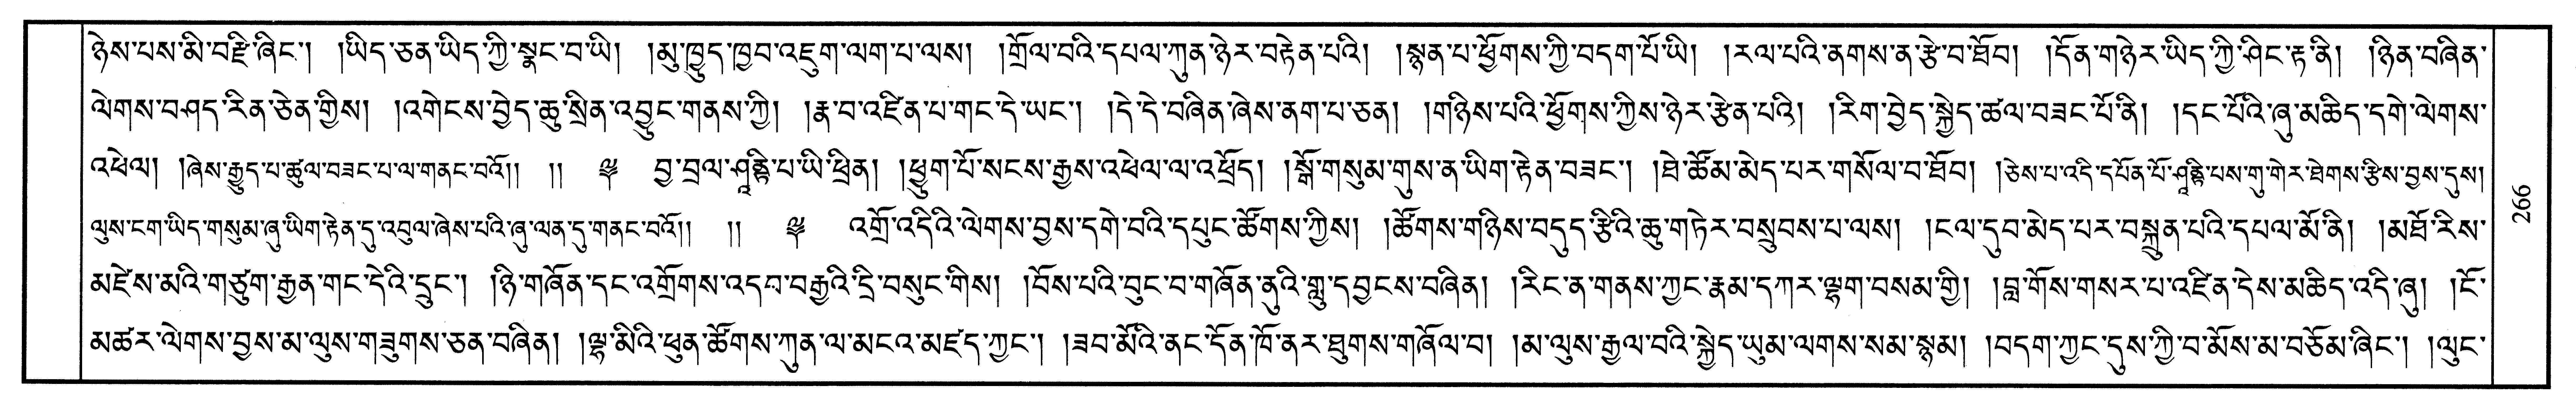ཉེས་པས་མི་བརྫི་ཞིང་། །ཡིད་ཅན་ཡིད་ཀྱི་སྣང་བ་ཡི། །མུ་ཁྱུད་ཁྱབ་འཇུག་ལག་པ་ལས། །གྲོལ་བའི་དཔལ་ཀུན་ཉེར་བརྟེན་པའི། །སྙན་པ་ཕྱོགས་ཀྱི་བདག་པོ་ཡི། །རལ་པའི་ནགས་ན་རྩེ་བ་ཐོབ། །དོན་གཉེར་ཡིད་ཀྱི་ཤིང་རྟ་ནི། །ཉིན་བཞིན་
ལེགས་བཤད་རིན་ཅེན་གྱིས། །འགེངས་བྱེད་ཆུ་སྲིན་འབྱུང་གནས་ཀྱི། །རྣ་བ་འཛིན་པ་གང་དེ་ཡང་། །དེ་དེ་བཞིན་ཞེས་ནག་པ་ཅན། །གཉིས་པའི་ཕྱོགས་ཀྱིས་ཉེར་རྩེན་པའི། །རིག་བྱེད་སྐྱེད་ཚལ་བཟང་པོ་ནི། །དང་པོའི་ཞུ་མཆིད་དགེ་ལེགས་
འཕེལ། །ཞེས་རྒྱུད་པ་ཚུལ་བཟང་པ་ལ་གནང་བའོ།། །། ༈ བྱ་བྲལ་ཤཱནྟི་པ་ཡི་ཕྲིན། །ཕྱུག་པོ་སངས་རྒྱས་འཕེལ་ལ་འཕྲོད། །སྒོ་གསུམ་གུས་ན་ཡིག་རྟེན་བཟང་། །ཐེ་ཚོམ་མེད་པར་གསོལ་བ་ཐོབ། །ཅེས་པ་འདི་དཔོན་པོ་ཤཱནྟི་པས་གུ་གེར་ཐེགས་རྩིས་བྱས་དུས།
ལུས་ངག་ཡིད་གསུམ་ཞུ་ཡིག་རྟེན་དུ་འབུལ་ཞེས་པའི་ཞུ་ལན་དུ་གནང་བའོ།། །། ༈ འགྲོ་འདིའི་ལེགས་བྱས་དགེ་བའི་དཔུང་ཚོགས་ཀྱིས། །ཚོགས་གཉིས་བདུད་རྩིའི་ཆུ་གཏེར་བསྲུབས་པ་ལས། །ངལ་དུབ་མེད་པར་བསྐྲུན་པའི་དཔལ་མོ་ནི། །མཐོ་རིས་
མཛེས་མའི་གཙུག་རྒྱན་གང་དེའི་དྲུང་། །ཉི་གཞོན་དང་འགྲོགས་འདབ་བརྒྱའི་དྲི་བསུང་གིས། །བོས་པའི་བུང་བ་གཞོན་ནུའི་གླུ་དབྱངས་བཞིན། །རིང་ན་གནས་ཀྱང་རྣམ་དཀར་ལྷག་བསམ་གྱི། །བླ་གོས་གསར་པ་འཛིན་དེས་མཆིད་འདི་ཞུ། །ངོ་
མཚར་ལེགས་བྱས་མ་ལུས་གཟུགས་ཅན་བཞིན། །ལྷ་མིའི་ཕུན་ཚོགས་ཀུན་ལ་མངའ་མཛད་ཀྱང་། །ཟབ་མོའི་ནང་དོན་ཁོ་ནར་ཐུགས་གཞོལ་བ། །མ་ལུས་རྒྱལ་བའི་སྐྱེད་ཡུམ་ལགས་སམ་སྙམ། །བདག་ཀྱང་དུས་ཀྱི་བ་མོས་མ་བཅོམ་ཞིང་། །ལུང་